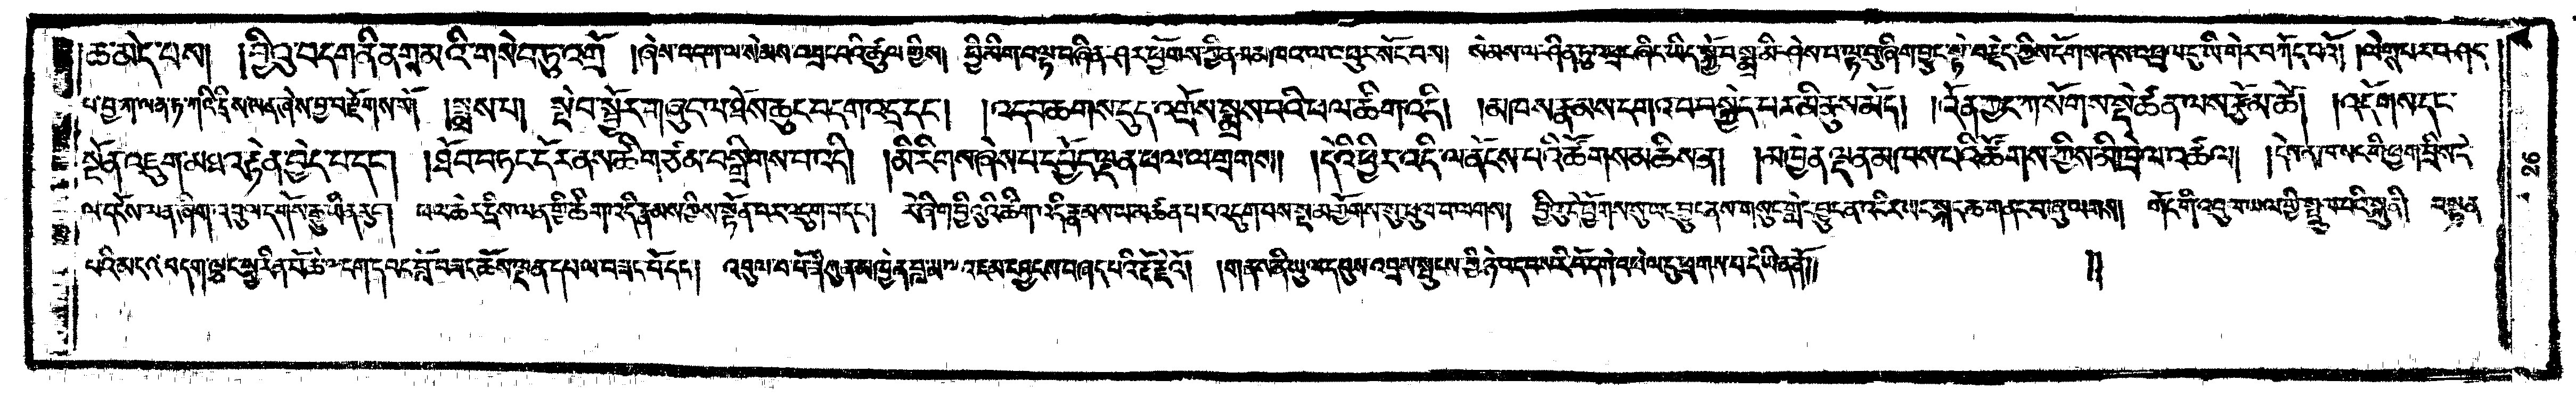ཆ་མེད་པས། །བྱིའུ་བདག་ནི་ན་གྲ་མའི་གསེབ་ཏུ་འགྲོ། ཞེས་བདག་ལ་སེམས་བཀྲང་བའི་ཚུལ་གྱིས། བྱི་མིག་ལྷ་བཞིན་ཤར་ཕྱོགས་ཀྱི་ནམ་མཁའ་ལ་འབྱུང་སོང་བས། སེམས་ལ་ཤིན་སྲང་ཞིང་ཡིད་སྐྱི་བ་སྨྲ་མི་ཤེས་བལྟ་བུ་ཞིག་བྱུང་སྟེ་བརྗོད་ཀྱིས་དོགས་ནས་འཕྲལ་དུ་ཡི་གེར་བཀོད་པའོ། །ལེགས་བཤད་
པ་བྱ་ཀ་ལན་ཏ་ཀའི་དྲིས་སན་ཞེས་བྱ་བརྫོགས་སོ། །སྨྲས་པ། སྡེབ་སྦྱོར་གཞུང་ལ་ཐོས་ཆུང་བདག་འདྲ་དང་། །འདབ་ཆགས་དུང་འགྲོས་སྨྲས་པའི་ཕལ་ཚིག་འདི། །མཁས་རྣམས་དགའ་བ་བསྐྱེད་པར་མི་ནུས་མོད། །འོན་ཀྱང་ཀ་སོགས་སྡེ་ཚན་ལས་རྩོམ་ཚེ། །འདོགས་དང་
སྔོན་འཇུག་མཐའ་རྟེན་བྱེད་པ་དང་། །ཐོབ་བཏང་དོར་ནས་ཚིག་ཙམ་བསྒྲིབས་པ་འདི། །མི་རིགས་ཞེས་པ་དཔྱོད་ལྡན་ཕལ་ལ་གངས། །དེའི་ཕྱིར་འདི་ལ་ནོངས་པའི་ཚོགས་མཆིས་ན། །མཁྱེན་ལྡན་མཁས་པའི་ཚོགས་ཀྱིས་མི་བྲེལ་འཚལ། །དེས་ན་ཁ་སང་གི་ཕྱག་བྲིས་དེ་
ལ་དངོས་པན་ཞིག་འབུལ་དགོས་ཞུ་ཡིན་རྩ། ཕར་ཆེར་དྲིས་ལན་གྱི་ཚིག་འདི་རྣམས་ཀྱིས་སྟོན་པར་དུག་པ་དང་། རེ་ཞིག་བྱིའུའི་ཚིག་འདི་རྣམས་ལ་མཚན་པང་འདུག་པས་སྔམ་གྱོགས་སུ་ཕུལ་བ་ལགས། བྱིའུ་ངོ་ཕྱོགས་དུ་ཡང་བྱུང་ནས་གསུང་གླེང་བྱུང་ན་འདིར་ཡང་སྐད་ཆ་གནང་བཞུ་ལས། གོང་གི་འུ་བ་ཡལ་གྱི་སྤྲིན་པའི་སྐུ་ནི། བསྟན་
པའི་མངའ་བདག་ལྕང་སྐྱ་རིན་པོ་ཆེ་བདག་དབང་བློ་བཟང་ཆོས་ལྡན་དཔལ་བཟང་པོ་དང་། འབུལ་བ་པོ་ནི་ཀུན་མཁྱེན་བླ་མ ༧་འཇམ་དབྱངས་བཞད་པའི་རྡོ་རྗེའི། །གནས་ཞི་ལུ་དབུས་འབྲས་སྤུངས་ཀྱི་ཉེ་འདབས་རི་བོ་དགེ་འཕེལ་དུ་ཕྲགས་བདེ་ཡིན་ནོ།། །།